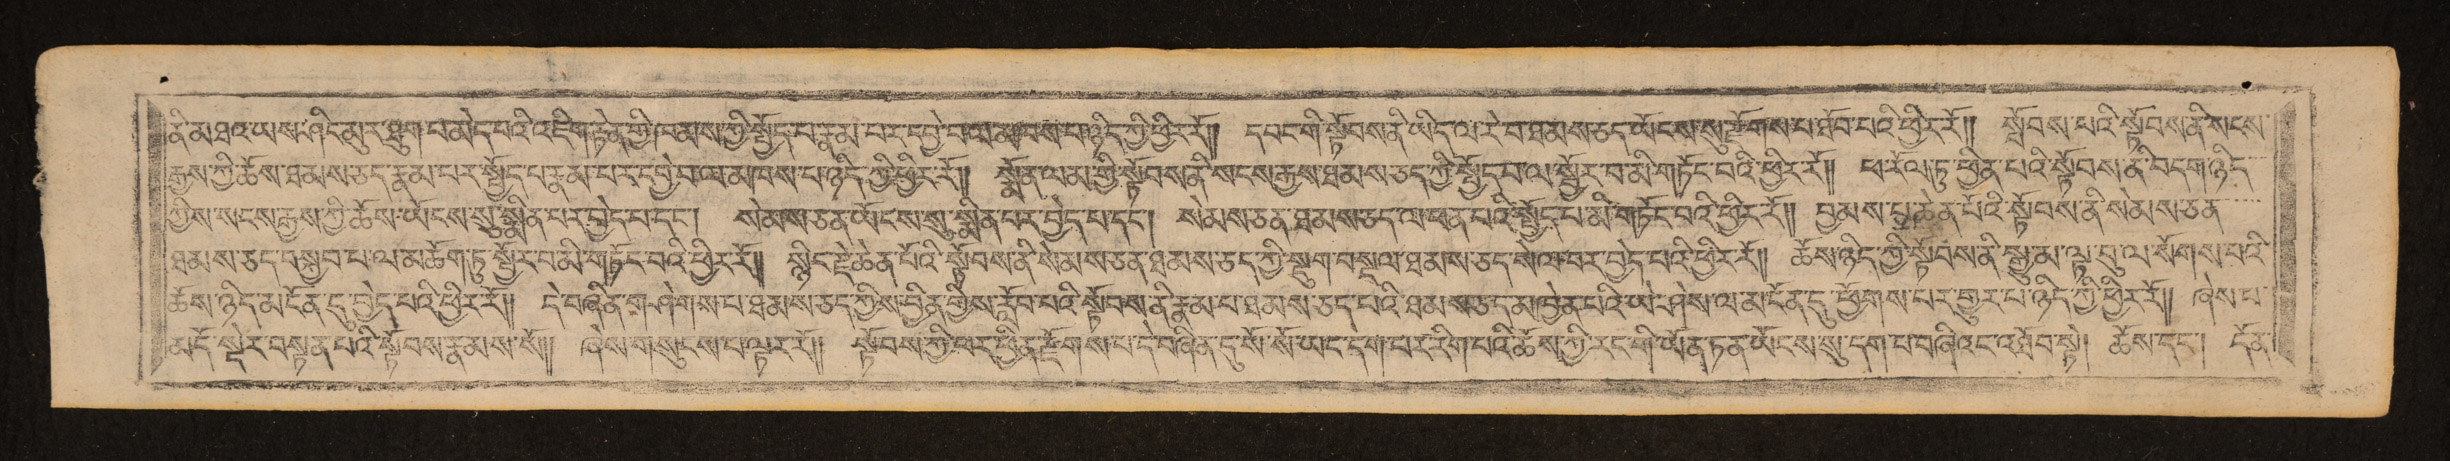ནི་མཐའ་ཡས་ཤིང་མུར་ཐུག་པ་མེད་པའི་འཇིག་རྟེན་གྱི་ཁམས་ཀྱི་སྤྱོད་པ་རྣམ་པར་དབྱེ་བ་ལ་མཁས་པ་ཉིད་ཀྱི་ཕྱིར་རོ།། དབང་གི་སྟོབས་ནི་ཡིད་ལ་རེ་བ་ཐམས་ཅད་ཡོངས་སུ་རྫོགས་པ་ཐོབ་པའི་ཕྱིར་རོ།། སྤོབས་པའི་སྟོབས་ནི་སངས་
རྒྱས་ཀྱི་ཆོས་ཐམས་ཅད་རྣམ་པར་སྤྱོད་པ་རྣམ་པར་དབྱེ་བ་ལ་མཁས་པ་ཉིད་ཀྱི་ཕྱིར་རོ།། སྨོན་ལམ་གྱི་སྟོབས་ནི་སངས་རྒྱས་ཐམས་ཅད་ཀྱི་སྤྱོད་པ་ལ་སྦྱོར་བ་མི་གཏོང་བའི་ཕྱིར་རོ།། ཕ་རོལ་ཏུ་ཕྱིན་པའི་སྟོབས་ནི་བདག་ཉིད་
ཀྱིས་སངས་རྒྱས་ཀྱི་ཆོས་ཡོངས་སུ་སྨིན་པར་བྱེད་པ་དང་། སེམས་ཅན་ཡོངས་སུ་སྨིན་པར་བྱེད་པ་དང་། སེམས་ཅན་ཐམས་ཅད་ལ་ཕན་པའི་སྤྱོད་པ་མི་གཏོང་བའི་ཕྱིར་རོ།། བྱམས་པ་ཆེན་པོའི་སྟོབས་ནི་སེམས་ཅན་
ཐམས་ཅད་བསྐྱབ་པ་ལ་མཆོག་ཏུ་སྦྱོར་བ་མི་གཏོང་བའི་ཕྱིར་རོ།། སྙིང་རྗེ་ཆེན་པོའི་སྟོབས་ནི་སེམས་ཅན་ཐམས་ཅད་ཀྱི་སྡུག་བསྔལ་ཐམས་ཅད་སེལ་བར་བྱེད་པའི་ཕྱིར་རོ།། ཆོས་ཉིད་ཀྱི་སྟོབས་ནི་སྒྱུ་མ་ལྟ་བུ་ལ་སོགས་པའི་
ཆོས་ཉིད་མངོན་དུ་བྱེད་པའི་ཕྱིར་རོ།། དེ་བཞིན་གཤེགས་པ་ཐམས་ཅད་ཀྱིས་བྱིན་གྱིས་རློབ་པའི་སྟོབས་ནི་རྣམ་པ་ཐམས་ཅད་པའི་ཐམས་ཅད་མཁྱེན་པའི་ཡེ་ཤེས་ལ་མངོན་དུ་ཕྱོགས་པར་གྱུར་པ་ཉིད་ཀྱི་ཕྱིར་རོ།། ཞེས་པ་
མདོ་སྡེར་བསྟན་པའི་སྟོབས་རྣམས་སོ།། ཞེས་གསུངས་པ་ལྟར་རོ།། སྟོབས་ཀྱི་ཕར་ཕྱིན་རྫོགས་པ་དེ་བཞིན་དུ་སོ་སོ་ཡང་དག་པར་རིག་པའི་ཆོས་ཀྱི་རང་གི་ཡོན་ཏན་ཡོངས་སུ་དག་པ་བཞིའང་འཐོབ་སྟེ། ཆོས་དང་། དོན་